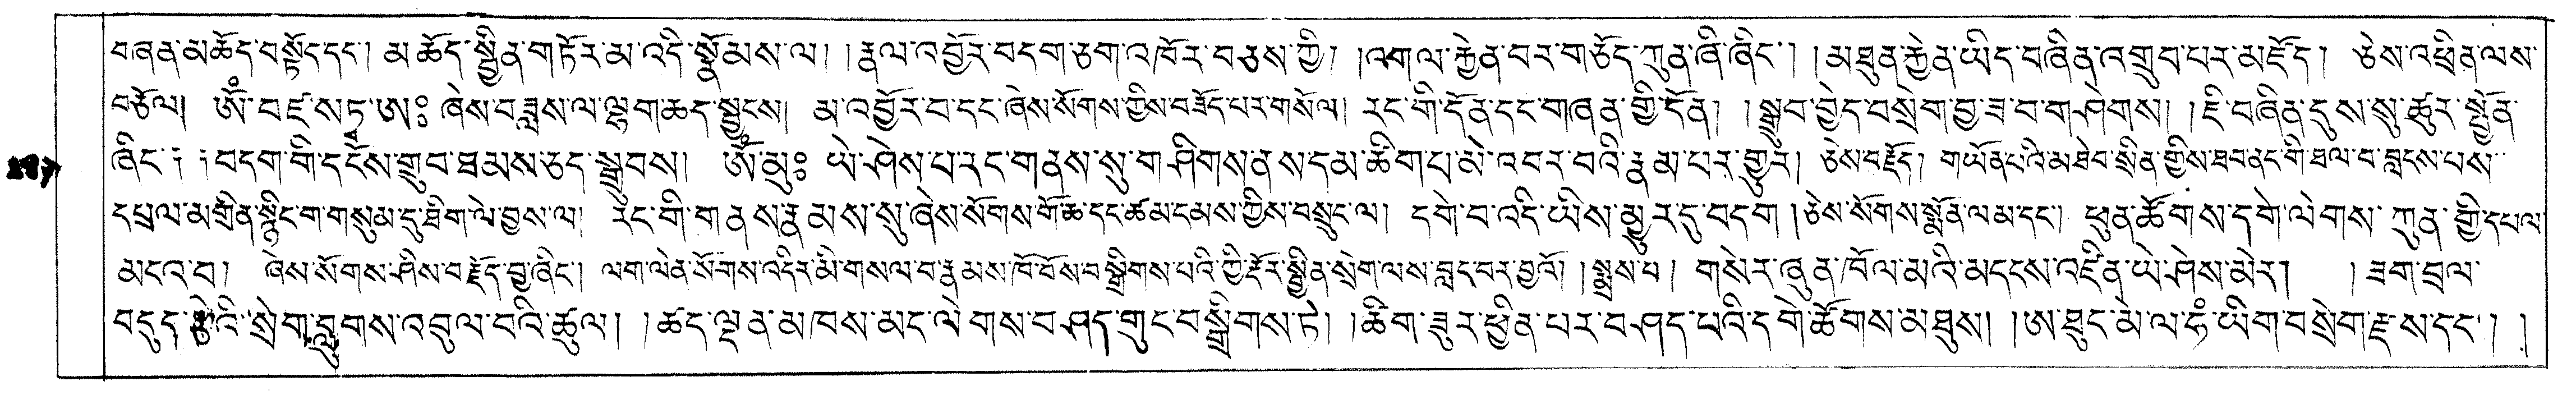བཞིན་མཆོད་བསྟོད་དང་། མཆོད་སྦྱིན་གཏོར་མ་འདི་སྣོམས་ལ། །རྣལ་འབྱོར་བདག་ཅག་འཁོར་བཅས་ཀྱི། །འགལ་རྐྱེན་བར་གཅོད་ཀུན་ཞི་ཞིང་། །མཐུན་རྐྱེན་ཡིད་བཞིན་འགྲུབ་པར་མཛོད། ཅེས་འཕྲིན་ལས་
བཅོལ། ཨོཾ་བྫྲ་ས་?་ཏྭ་?་ཨཿ ?་ཞེས་བཟླས་ལ་ལྷག་ཆོད་?་སྦྱངས། མ་འབྱོར་བ་དང་ཞེས་སོགས་ཀྱིས་བཟོད་པར་གསོལ། རང་གི་དོན་དང་གཞན་གྱི་དོན། །སྒྲུབ་བྱེད་བསྲེག་བྱ་ཟ་བ་གཤེགས། །ཇི་བཞིན་དུས་སུ་ཚུར་སྤྱོན་
ཞིང༑ ༑བདག་གི་དངོས་གྲུབ་ཐམས་ཅད་སྒྲུབས། ཨོཾ་མུཿ ཡེ་ཤེས་པ་རང་གནས་སུ་གཤེགས་ནས་དམ་ཚིག་པ་མེ་འབར་བའི་རྣམ་པར་གྱུར། ཅེས་བརྗོད། གཡོན་པའི་མཐོབ་?་སྲིན་གྱིས་ཐབ་ནང་གི་ཐལ་བ་བླངས་པས་
དཔྲལ་མགྲིན་སྙིང་ག་གསུམ་དུ་ཐིག་ལེ་བྱས་ལ། རང་གི་གནས་རྣམས་སུ་ཞེས་སོགས་གོ་ཆ་དང་ཚམ་ངམས་ཀྱིས་བསརངས་ལ། དགེ་བ་འདི་ཡིས་མྱུར་དུ་བདག །ཅེས་སོགས་སྨོན་ལམ་དང་། ཕུན་ཚོགས་དགེ་ལེགས་ཀུན་གྱི་དཔལ་
མངའ་བ། ཞེས་སོགས་ཤིས་བརྗོད་བྱ་ཞིང་། ལག་ལེན་སོགས་འདིར་མི་གསལ་བ་རྣམས་ཁོ་བོས་བསྒྲིགས་པའི་བྱི་རྡོར་སྦྱིན་སྲེག་ལས་བླང་བར་བྱའོ། །སྨྲས་པ། གསེར་ཞུན་ཁོལ་མའི་མདངས་འཛིན་ཡེ་ཤེས་མེར། །ཟག་བྲལ་
བདུད་རྩིའི་སྲེག་བླུགས་འབུལ་བའི་ཚུལ། །ཚད་ལྡན་མཁས་མང་ལེགས་བཤད་གུང་བསྒྲིགས་ཏེ། །ཚིག་ཟུར་ཕྱིན་པར་བཤད་པའི་དགེ་ཚོགས་མཐུས། །ཨ་ཐུང་མེ་ལ་ཧཾ་ཡིག་བསྲེག་རྫས་དང་། །